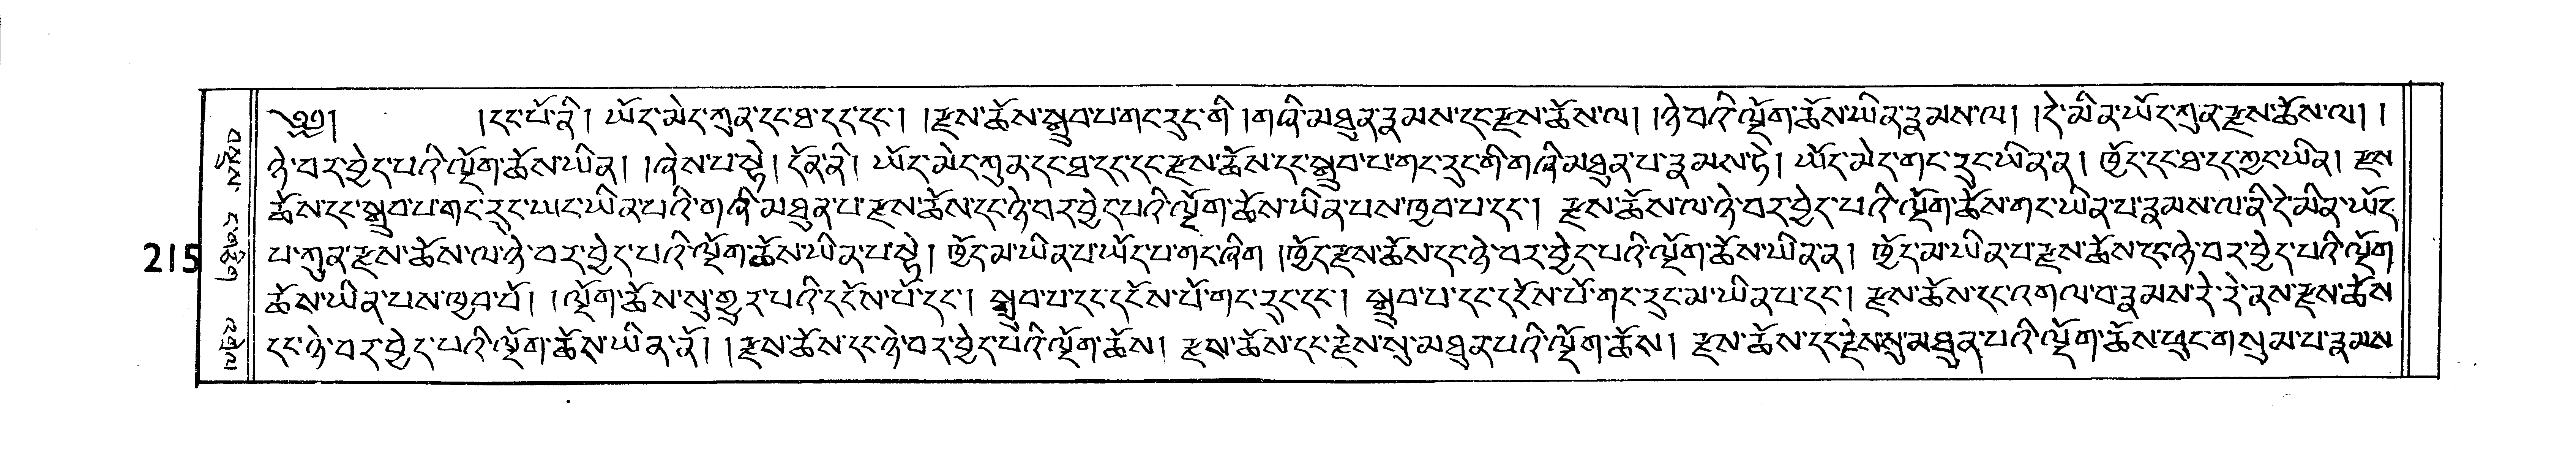༄༅། །དང་པོ་ནི། ཡོད་མེད་ཀུན་དང་ཐ་དད་དང་། །རྫས་ཆོས་སྒྲུབ་པ་གང་རུང་གི །གཞི་མཐུན་རྣམས་དང་རྫས་ཆོས་ལ། །ཉེ་བའི་ལྡོག་ཆོས་ཡིན་རྣམས་ལ། །དེ་མིན་ཡོད་ཀུན་རྫས་ཆོས་ལ། །
ཉེ་བར་བྱེད་པའི་ལྡོག་ཆོས་ཡིན། །ཞེས་པ་སྟེ། དོན་ནི། ཡོད་མེད་ཀུན་དང་ཐ་དད་དང་རྫས་ཆོས་དང་སྒྲུབ་པ་གང་རུང་གི་གཞི་མཐུན་པ་རྣམས་ཏེ། ཡོད་མེད་གང་རུང་ཡིན་ན། ཁྱོད་དང་ཐ་དད་ཀྱང་ཡིན། རྫས་
ཆོས་དང་སྒྲུབ་པ་གང་རུང་ཡང་ཡིན་པའི་གཞི་མཐུན་པ་རྫས་ཆོས་དང་ཉེ་བར་བྱེད་པའི་ལྡོག་ཆོས་ཡིན་པས་ཁྱབ་པ་དང་། རྫས་ཆོས་ལ་ཉེ་བར་བྱེད་པའི་ལྡོག་ཆོས་གང་ཡིན་པ་རྣམས་ལ་ནི་དེ་མིན་ཡོད་
པ་ཀུན་རྫས་ཆོས་ལ་ཉེ་བར་བྱེད་པའི་ལྡོག་ཆོས་ཡིན་པ་སྟེ། ཁྱོད་མ་ཡིན་པ་ཡོད་པ་གང་ཞིག །ཁྱོད་རྫས་ཆོས་དང་ཉེ་བར་བྱེད་པའི་ལྡོག་ཆོས་ཡིན་ན། ཁྱོད་མ་ཡིན་པ་རྫས་ཆོས་དང་ཉེ་བར་བྱེད་པའི་ལྡོག་
ཆོས་ཡིན་པས་ཁྱབ་བོ། །ལྡོག་ཆོས་སུ་གྱུར་པའི་དངོས་པོ་དང་། སྒྲུབ་པ་དང་དངོས་པོ་གང་རུང་དང་། སྒྲུབ་པ་དང་དངོས་པོ་གང་རུང་མ་ཡིན་པ་དང་། རྫས་ཆོས་དང་འགལ་བ་རྣམས་རེ་རེ་ནས་རྫས་ཆོས་
དང་ཉེ་བར་བྱེད་པའི་ལྡོག་ཆོས་ཡིན་ནོ། །རྫས་ཆོས་དང་ཉེ་བར་བྱེད་པའི་ལྡོག་ཆོས། རྫས་ཆོས་དང་རྗེས་སུ་མཐུན་པའི་ལྡོག་ཆོས། རྫས་ཆོས་དང་རྗེས་སུ་མཐུན་པའི་ལྡོག་ཆོས་ཕུང་གསུམ་པ་རྣམས་